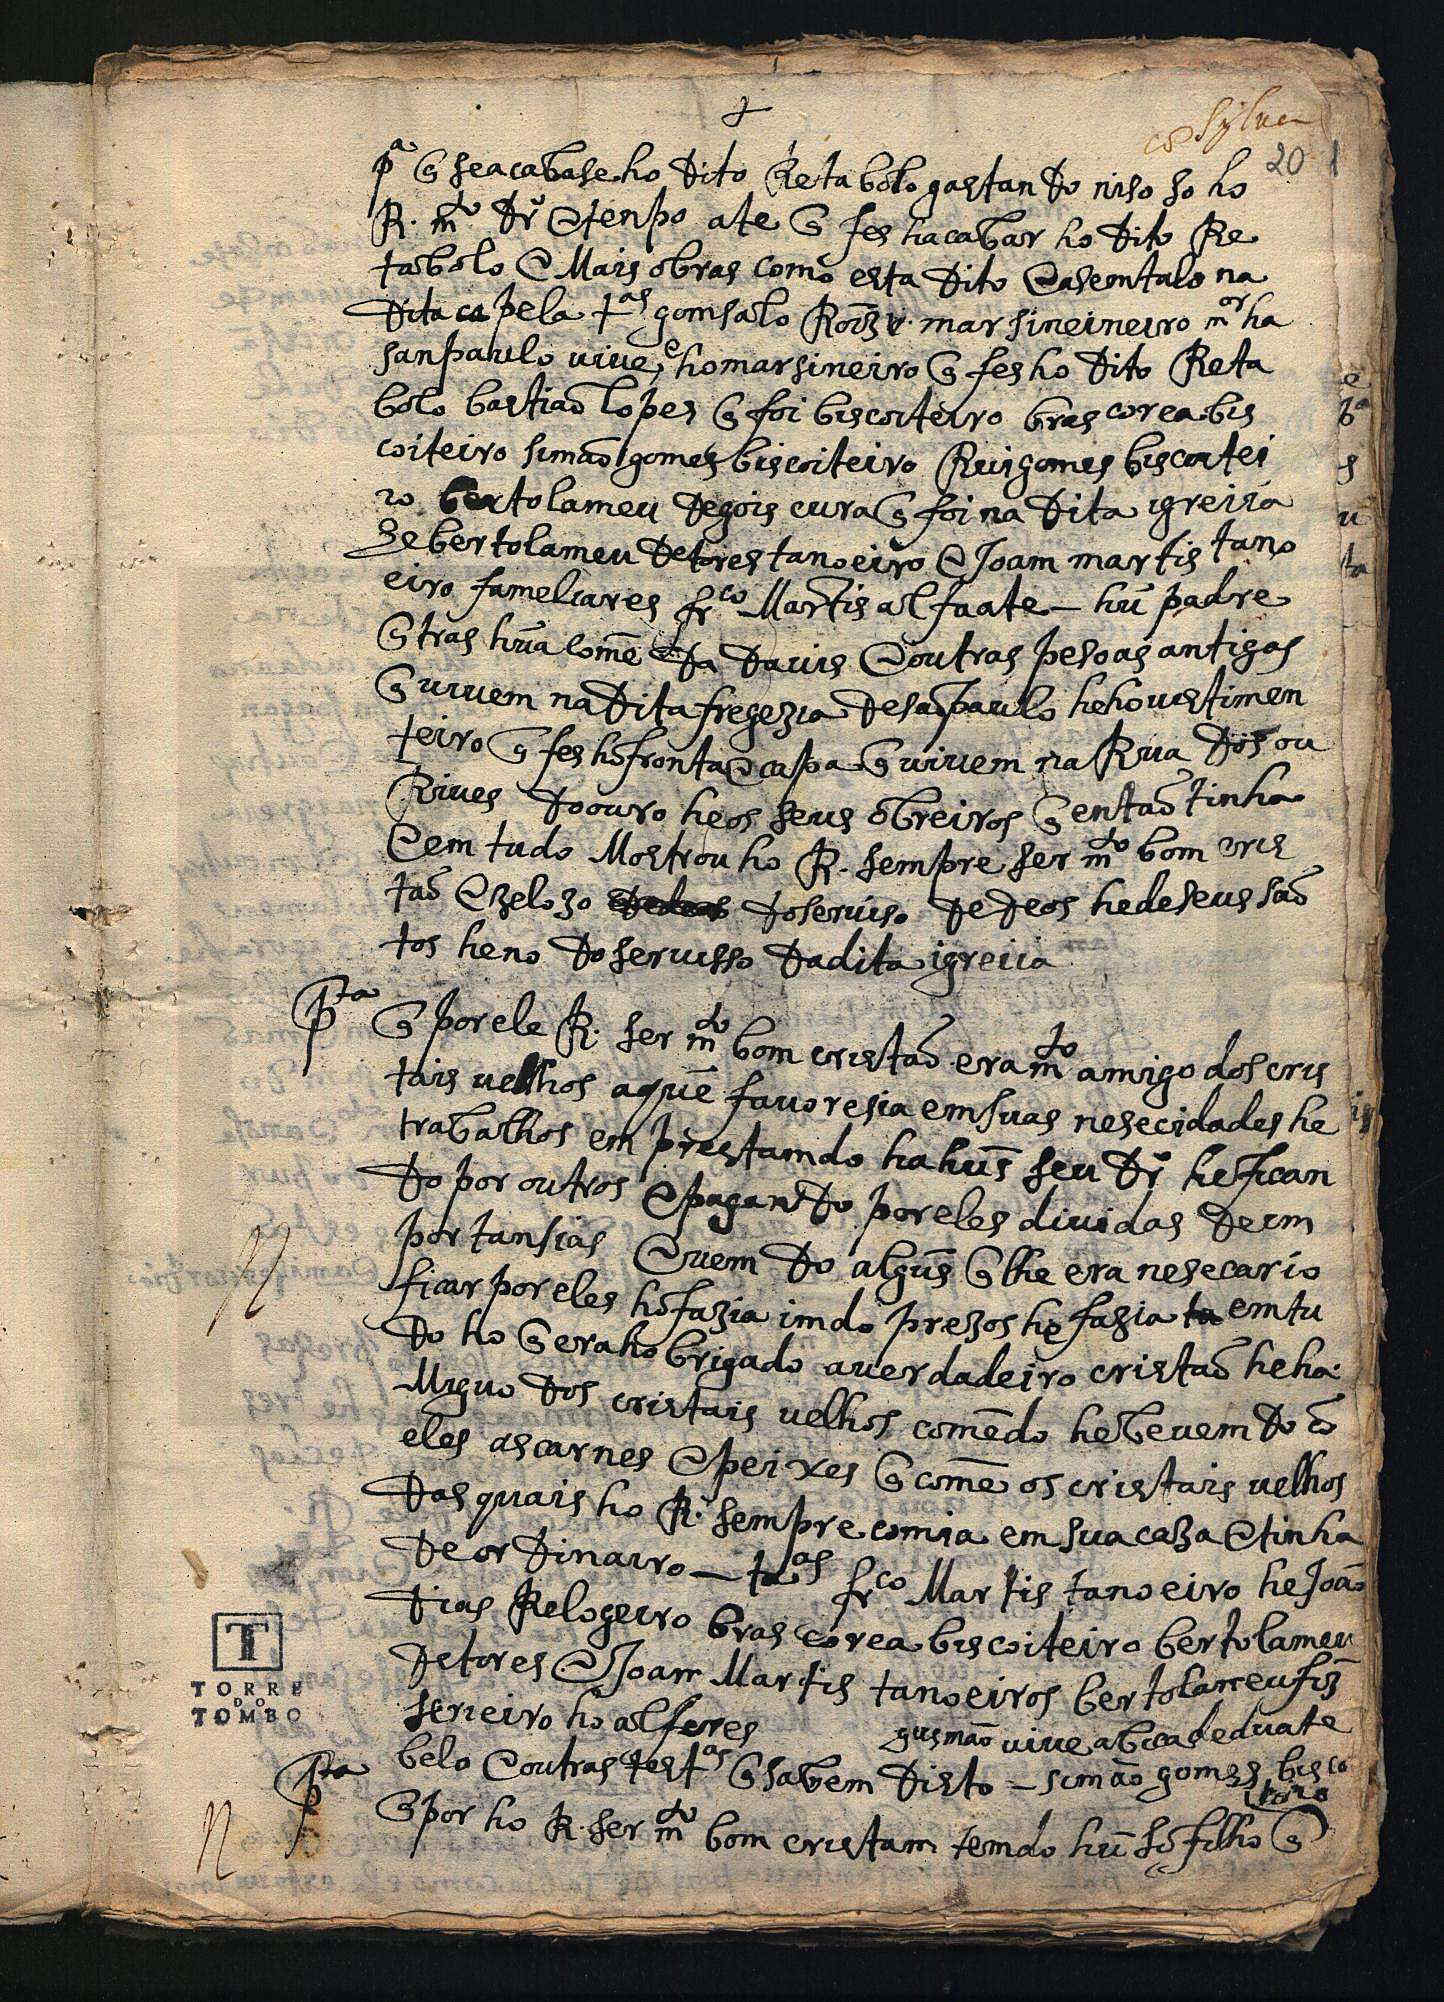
pa q̄ se acabase ho Dito Retabolo gastanDo niso so ho
R. mto Dro e tenpo ate q̄ fes hacabar ho Dito Re
tabolo e Mais obras como esta Dito e asemtalo na
Dita capela tas gomsalo Roīz e marsineineiro mor ha
san paulo uiue
e
ho marsineiro q̄ fes ho Dito Reta
bolo bastião lopes q̄ foi bescoiteiro bras corcabis
coiteiro Simão gomes biscorteiro Rui gomes biscoitei
ro bertolameu De gois cura q̄ foi na Dita igreiia
he bertolameu De tores tanoeiro e Joam martis tano
eiro fameliares frco Martis algaate hū padre
q̄ tras hūa comēDa Dauis e outras pesoas antigas
q̄ uiuem na Dita fregezia De saõ paulo he ho uestimen
teiro q̄ fes ho fronta e capa q̄ uiuem na Rua Dos ou
Riues Do ouro he os seus obreiros q̄ entaõ tinha
e em tudo Mostrou ho R. sempre ser mto bom cris
taõ e zelozo Dedeos Do seruiso De Deos he de seus saõ
tos he no Do seruisso Da dita igreiia
pra q̄ por elle R. ser mto bom cristaõ era mto amigo dos cris
tais uelhos a quē fauoresia em suas nesecidades he
trabalhos emprestamdo ha hūs seu Dro he fican
Do por outros e paganDo por eles diuidas De em
portansias E uemDo algūs q̄ lhe era nesecario
ficar por eles ho fazia imdo prezos he fazia ta em tu
Do ho q̄ era hobrigado a uerdadeiro cristaõ he ha
Miguo Dos cristais uelhos comēdo he beuemdo cō
eles as carnes e peixes q̄ comē os cristais uelhos
Das quais ho R. sempre comia em sua caza e tinha
De orDinairo tas frco Martis tanoeiro he João
Dias Relogeiro bras corea biscoiteiro bertolameu
De tores e Joam Martis tanoeiros bertolameu frz̄
serieiro ho alferes
gusmaõ uiue a bica de duate
belo e outras testas q̄ sabem Disto simão gomes bisco
teiro
Pra q̄ por ho R. ser mto bom cristam temdo hū so filho q̄
